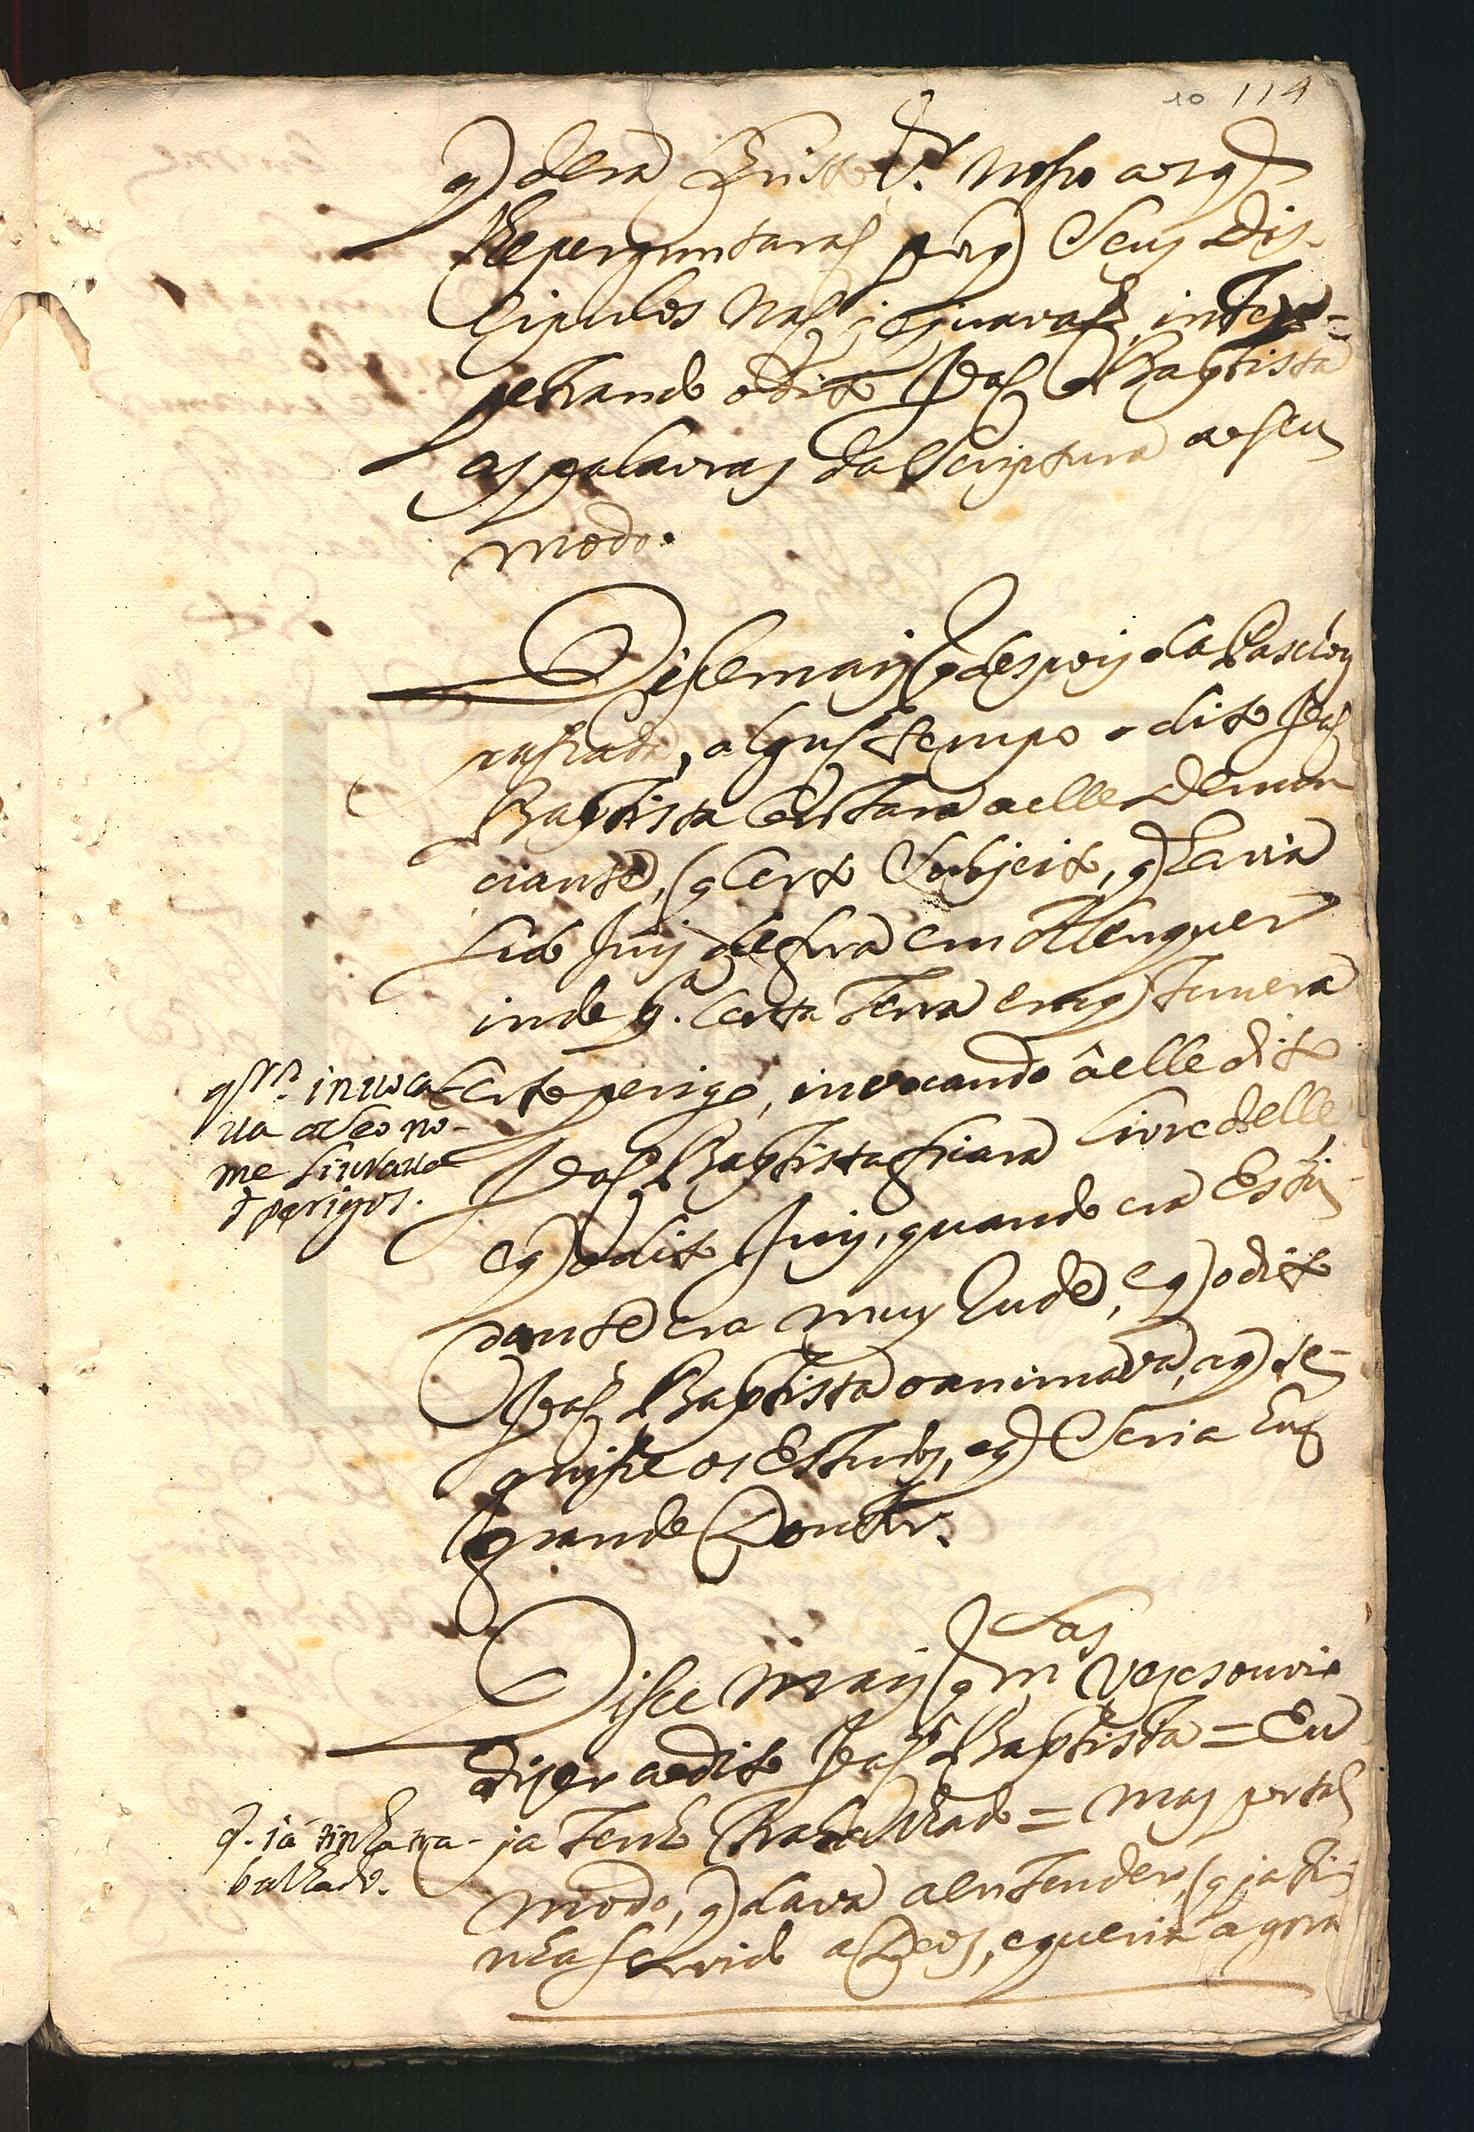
q̄ dera Christo s.or nosso aos q̄
lhe perguntaraõ porq̄ seus Dis
cipulos naõ iejuavaõ, inter
petrando o dito Joaõ Baptista
as palavras da Scriptura ao seu
modo.
Disse mais q̄ despois da Paschoa
passada, algū tempo o dito Joaõ
Baptista Constara a elle Denun
ciante, q̄ Certo Sobjeito, q̄ hauia
sido Juis de fora em Alenquer
indo p.a certa terra em q̄ temera
certo perigo, invocando á elle dito
qrs. inuoca
ua o seo no
me liuraua
d̄ perigos.
Joaõ Baptista ficara Livre delle,
e q̄ o dito Juis, quando era Estu
dante era muy Rude, e q̄ o dito
Joaõ Baptista o animava, a q̄ se
guisse os Estudos, e q̄ Seria hū
grande Doutor.
Disse mais q̄ mtas vezes ouvia
dizer ao dito Joaõ Baptista = Eu
ja tenho traballhado = mas por tal
modo, q̄ dava a entender q̄ ja ti
q̄. iá tinha tra
balhado.
nha servido a Deos, e queria agora
